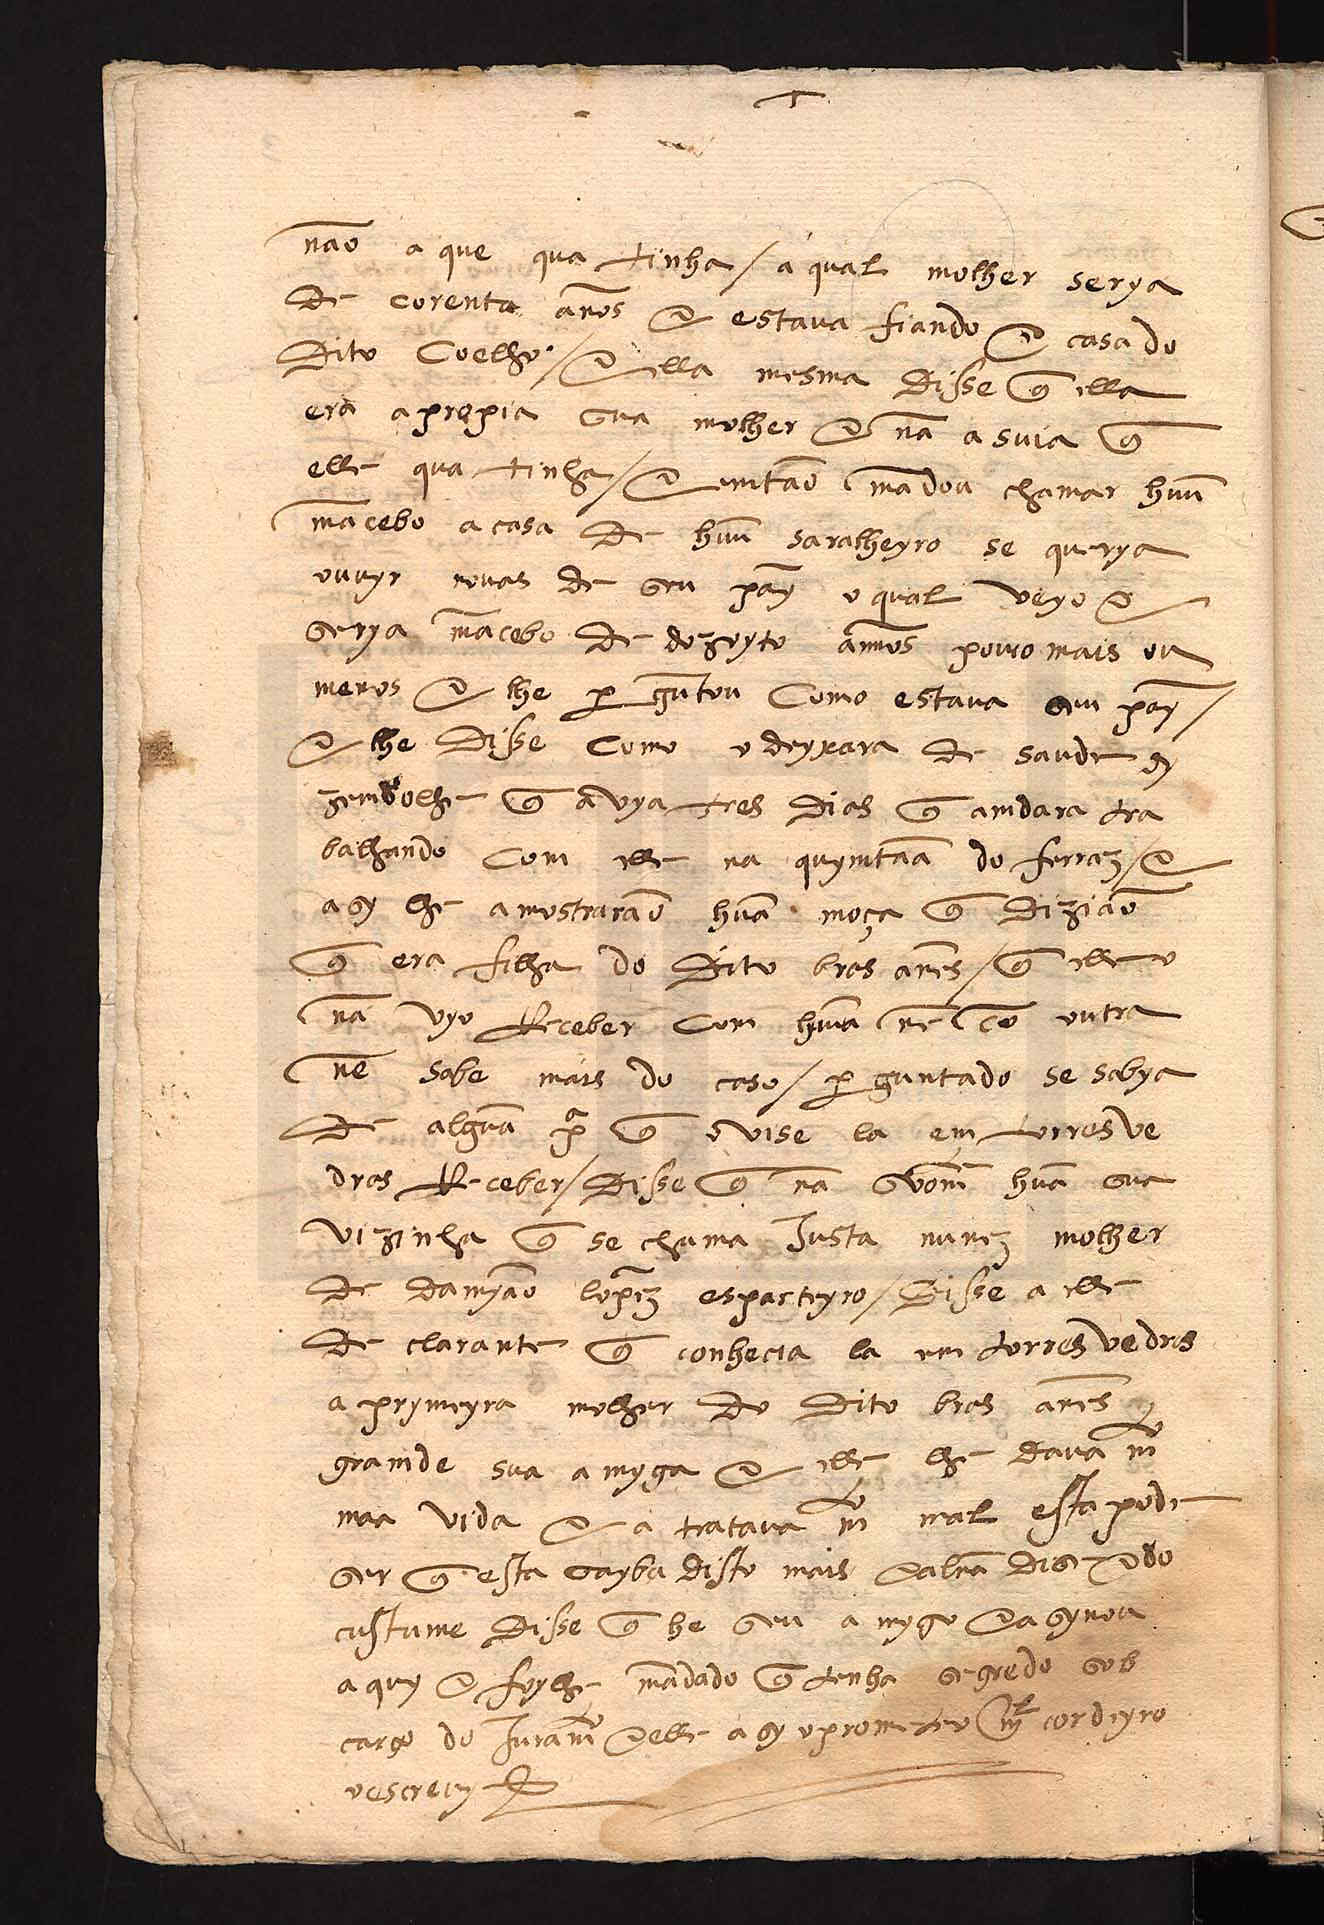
não a que qua tinha / a qual molher serya
de corenta ānos e estaua fiando ē casa do
Dito Coelho / e ella mesma disse q̄ ella
era a propia sua molher e nā a suia q̄
elle qua tinha / e emtão m̄adou chamar hūu
m̄acebo a casa de hūu saralheyro se querya
ouuyr nouas de seu pay o qual veyo e
serya m̄acebo de dezoyto annos pouco mais ou
menos e lhe ꝑgūtou Como estaua seu pay /
e lhe Disse como o deyxara de saude dy
zemdolhe q̄ avya tres dias q̄ amdara tra
balhando com elle na quymtāa do ferraz / e
asy lhe amostrarão hūa moça q̄ diziaõ
q̄ era filha do dito bras an̄es / q̄ elle o
n̄a vyo Receber com hūua n̄e c̄o outra
n̄e sabe mais do caso / ꝑguntado se sabya
de algūa pa q̄ o vise la em torres ve
dras Receber / disse q̄ n̄a soomte hūa sua
vizinha q̄ se chama Justa nunez molher
de damyão lopez esparteyro / disse a elle
declarante q̄ conhecia la em torres vedras
a prymeyra molher do dito bras ānes
gramde sua amyga e elle lhe daua mto
maa vida e a trataua mto mal esta pode
ser q̄ esta sayba disto mais e alnā dise e do
custume disse q̄ he seu amygo e asynou
aquy e foylhe m̄adado q̄ tenha segredo sob
cargo do Juramto e elle asy o prometeo mel cordeyro
o escreuy
